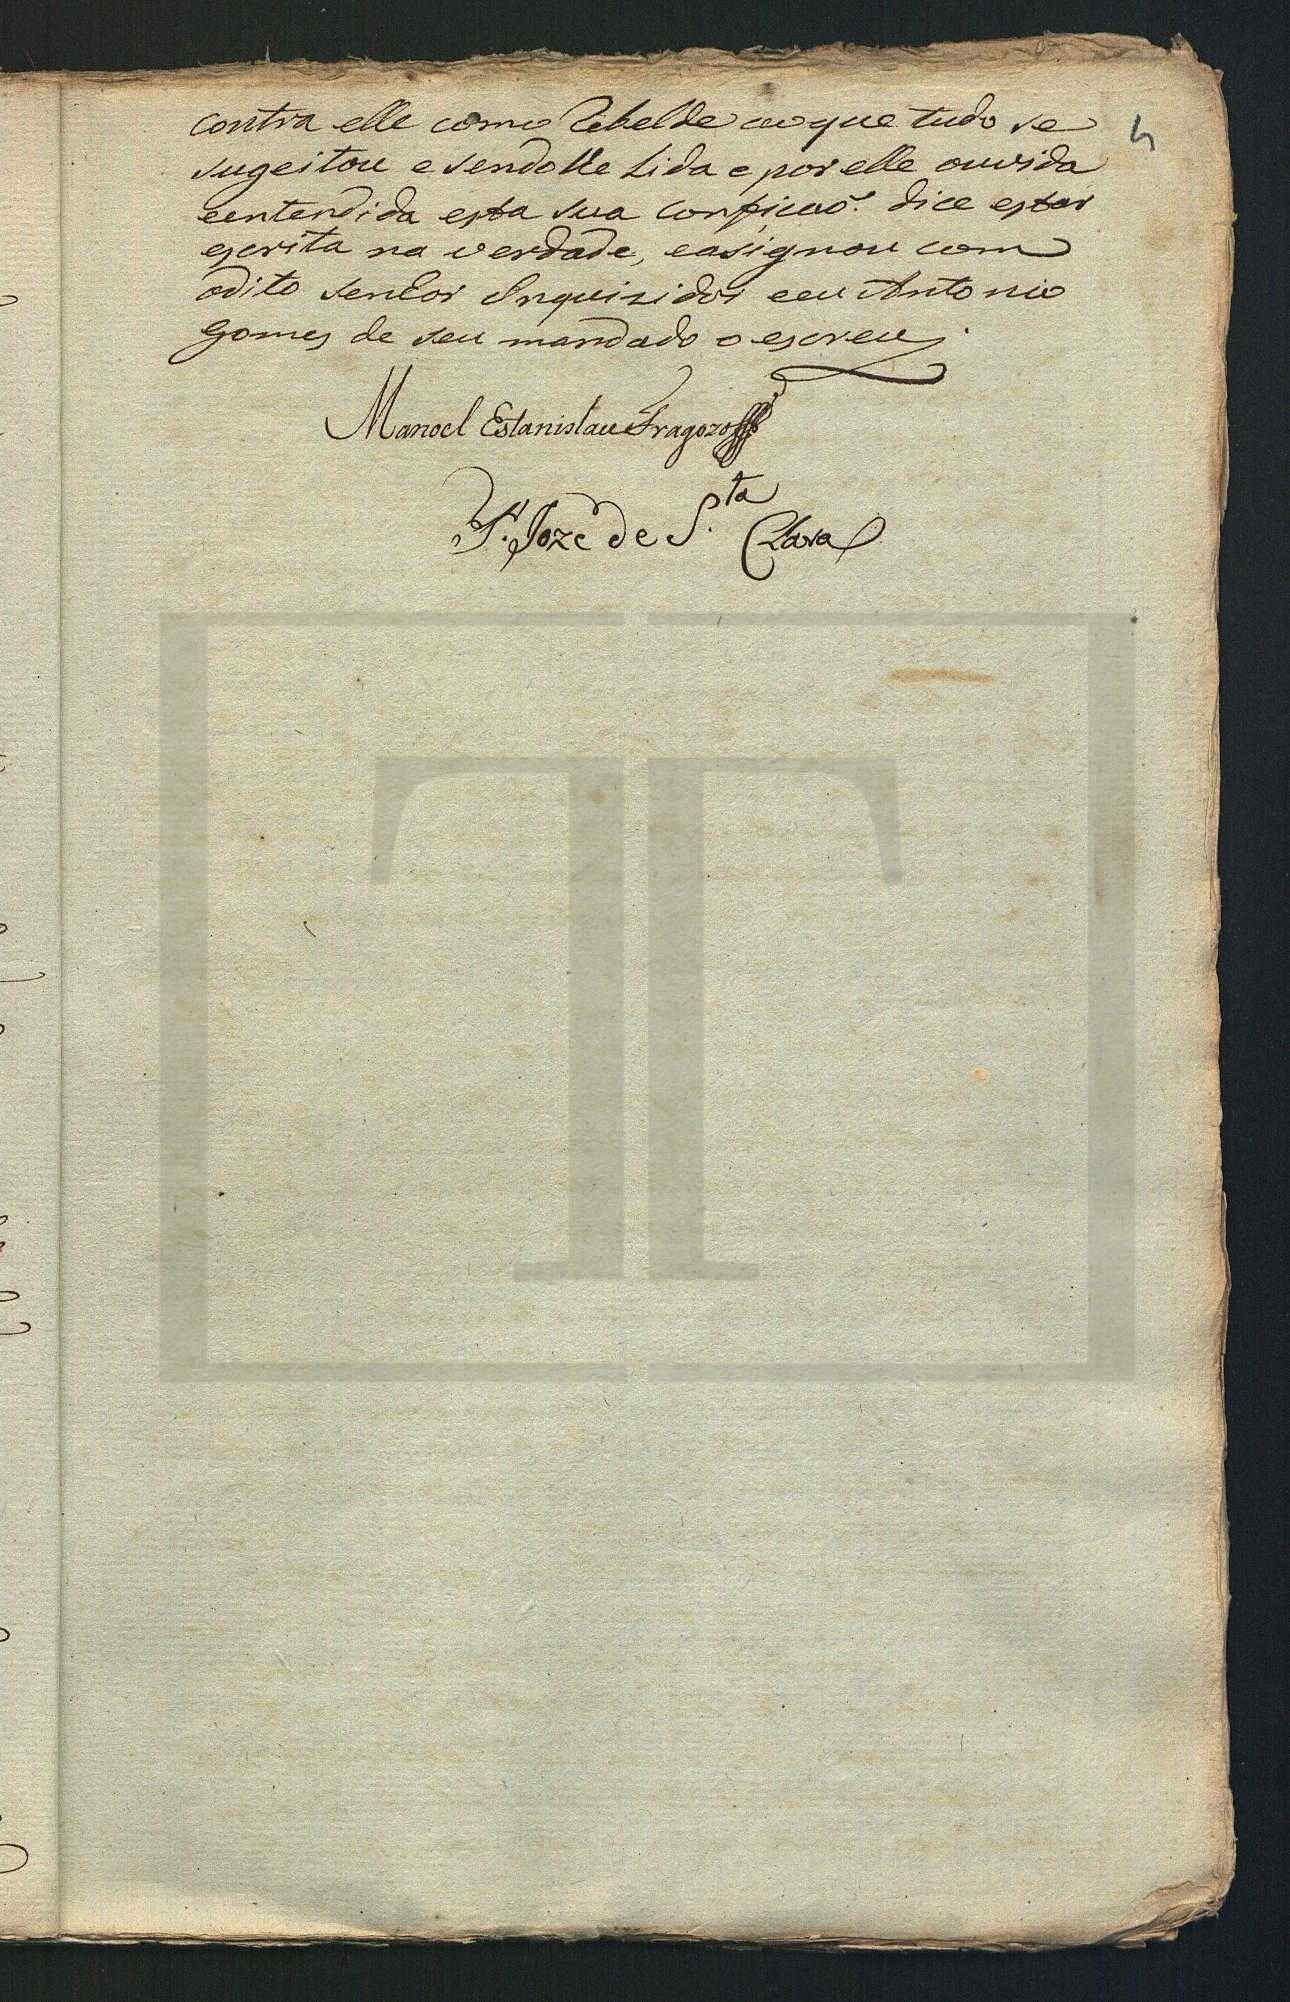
contra elle como Rebelde ao que tudo se
sugeitou e sendolhe lida e por elle ouvida
e entendida esta sua confiçaõ dice estar
escrita na verdade, e asignou com
o dito senhor Inquizidor e eu Antonio
Gomes de seu mandado o escreuj.
Manoel estanislauFragozo
F. Joze de S.ta Clara
